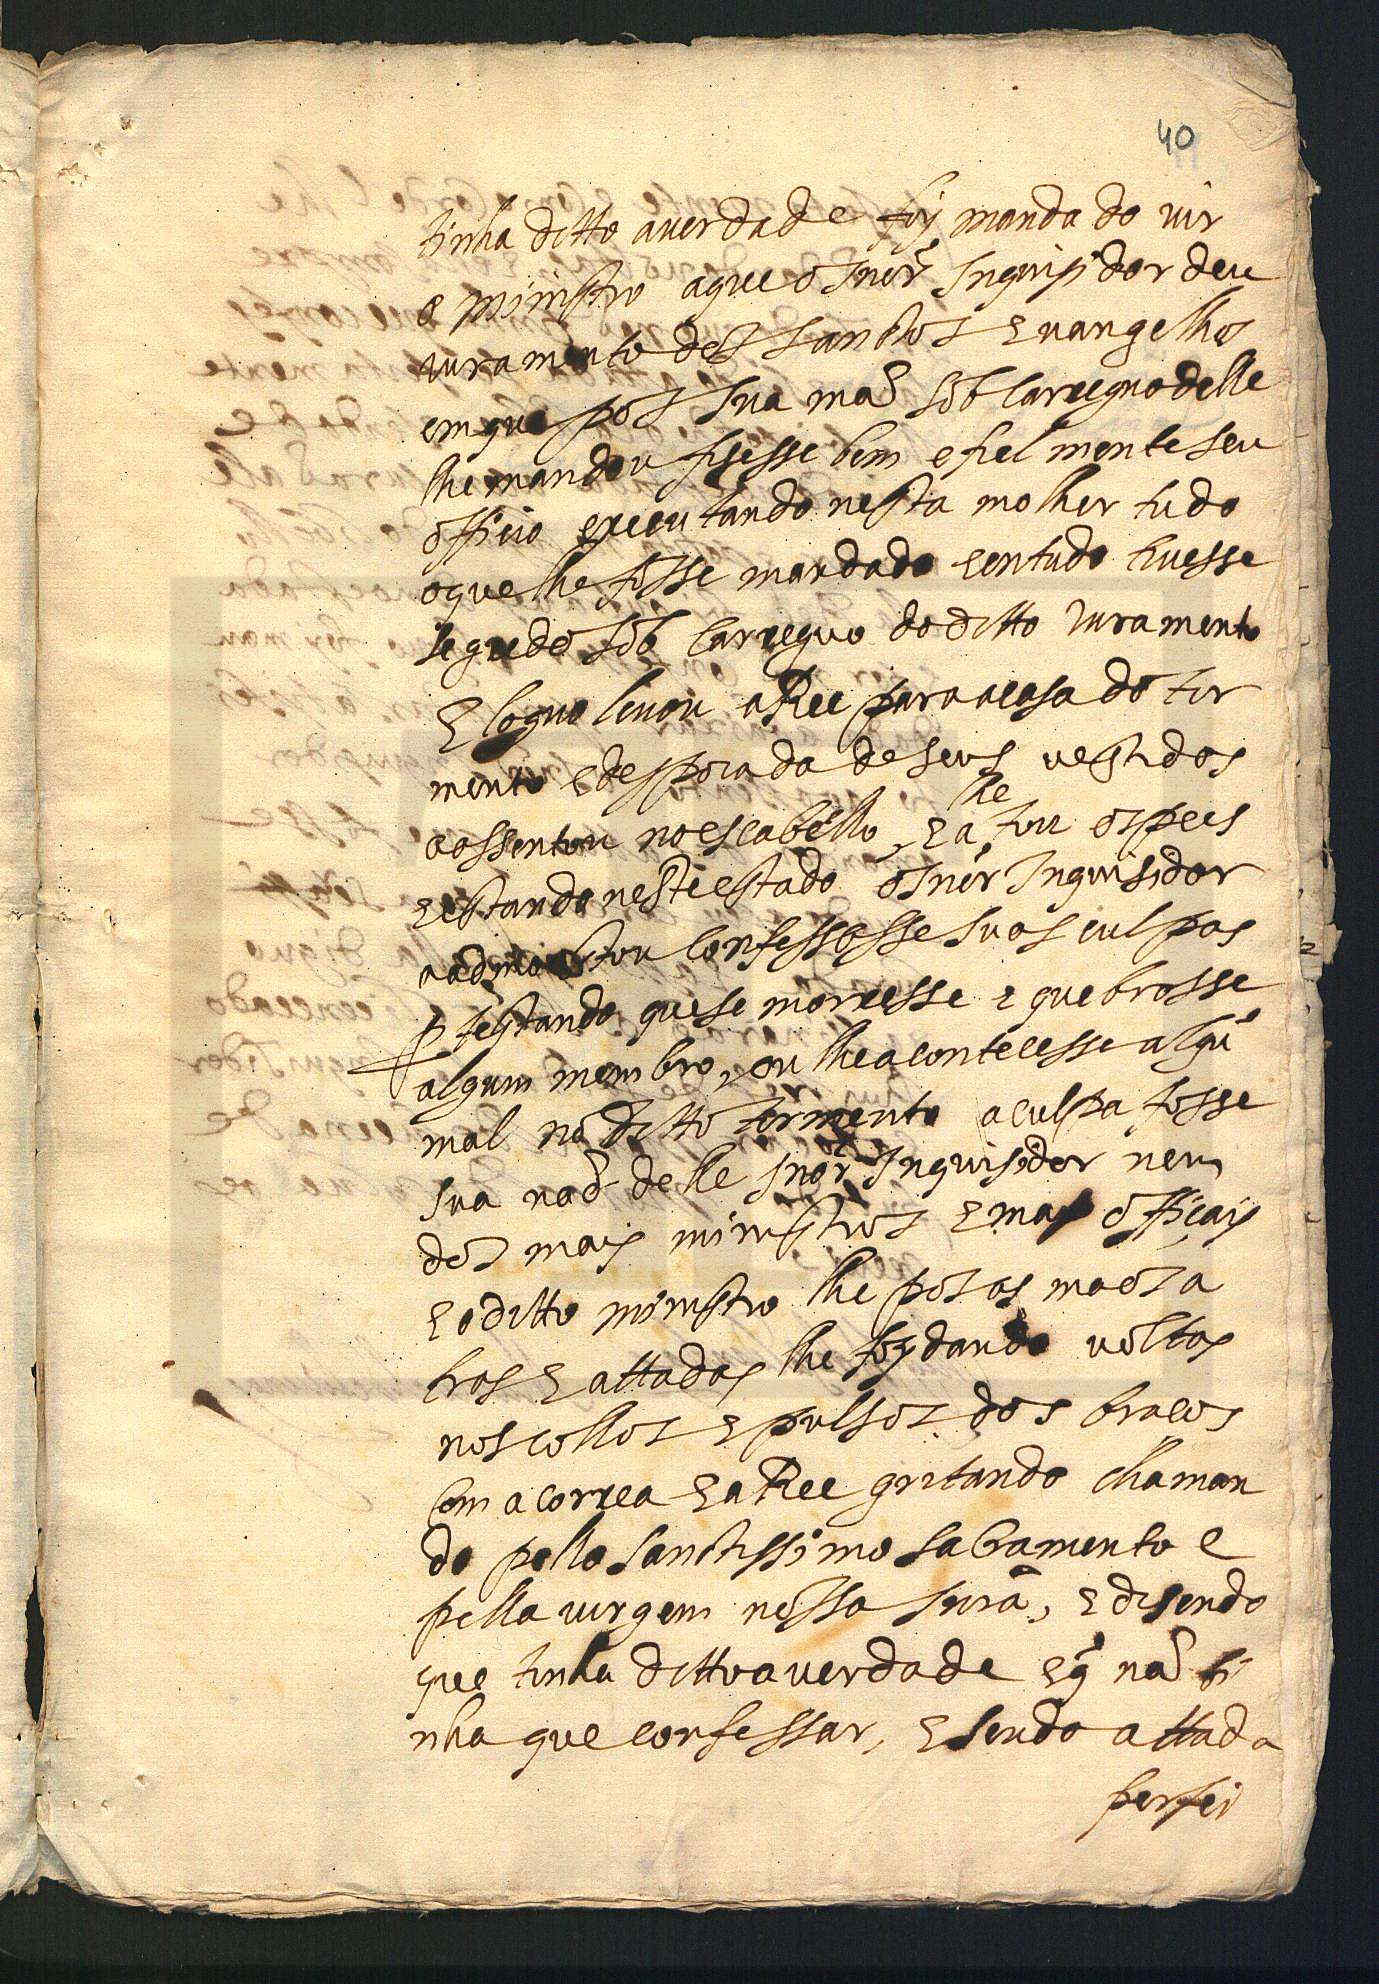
tinha ditto a uerdade foy mandado uir
o ministro a que o snor̄ Jnquisidor deu
iuramento dos sanctos Euangelhos
em que pos sua maõ sob careego delle
lhe mandou fisesse bem e fielmente seu
officio executando nesta molher tudo
o que lhe fosse mandado E en tudo tiuesse
segredo sob carrego do ditto Iuramento
E loguo leuou a Ree para a casa do tor
mento e despoiada de seus uestidos
a assentou no escabello, E
lhe
atou os pees
E estando neste estado o snōr Inquisidor
a admo_stou confessasse suas culpas
ꝓtestando que se morresse E quebrasse
algum membro ou lhe acontecesse algū
mal no ditto tormento a culpa fosse
sua naõ delle snōr Inquisidor nem
dos mais ministros E ma_ offiçais
E o ditto ministro lhe pos as maõs a
tras E attadas lhe foy dando uoltas
nos collos E pulsos dos braços
com a correa E a Ree gritando chaman
do pello sanctissimo sacramento e
pella uirgem nossa snrā, E disendo
que tinha ditto a uerdade E q̄ nā ti
nha que confessar, E sendo attada
perfei
